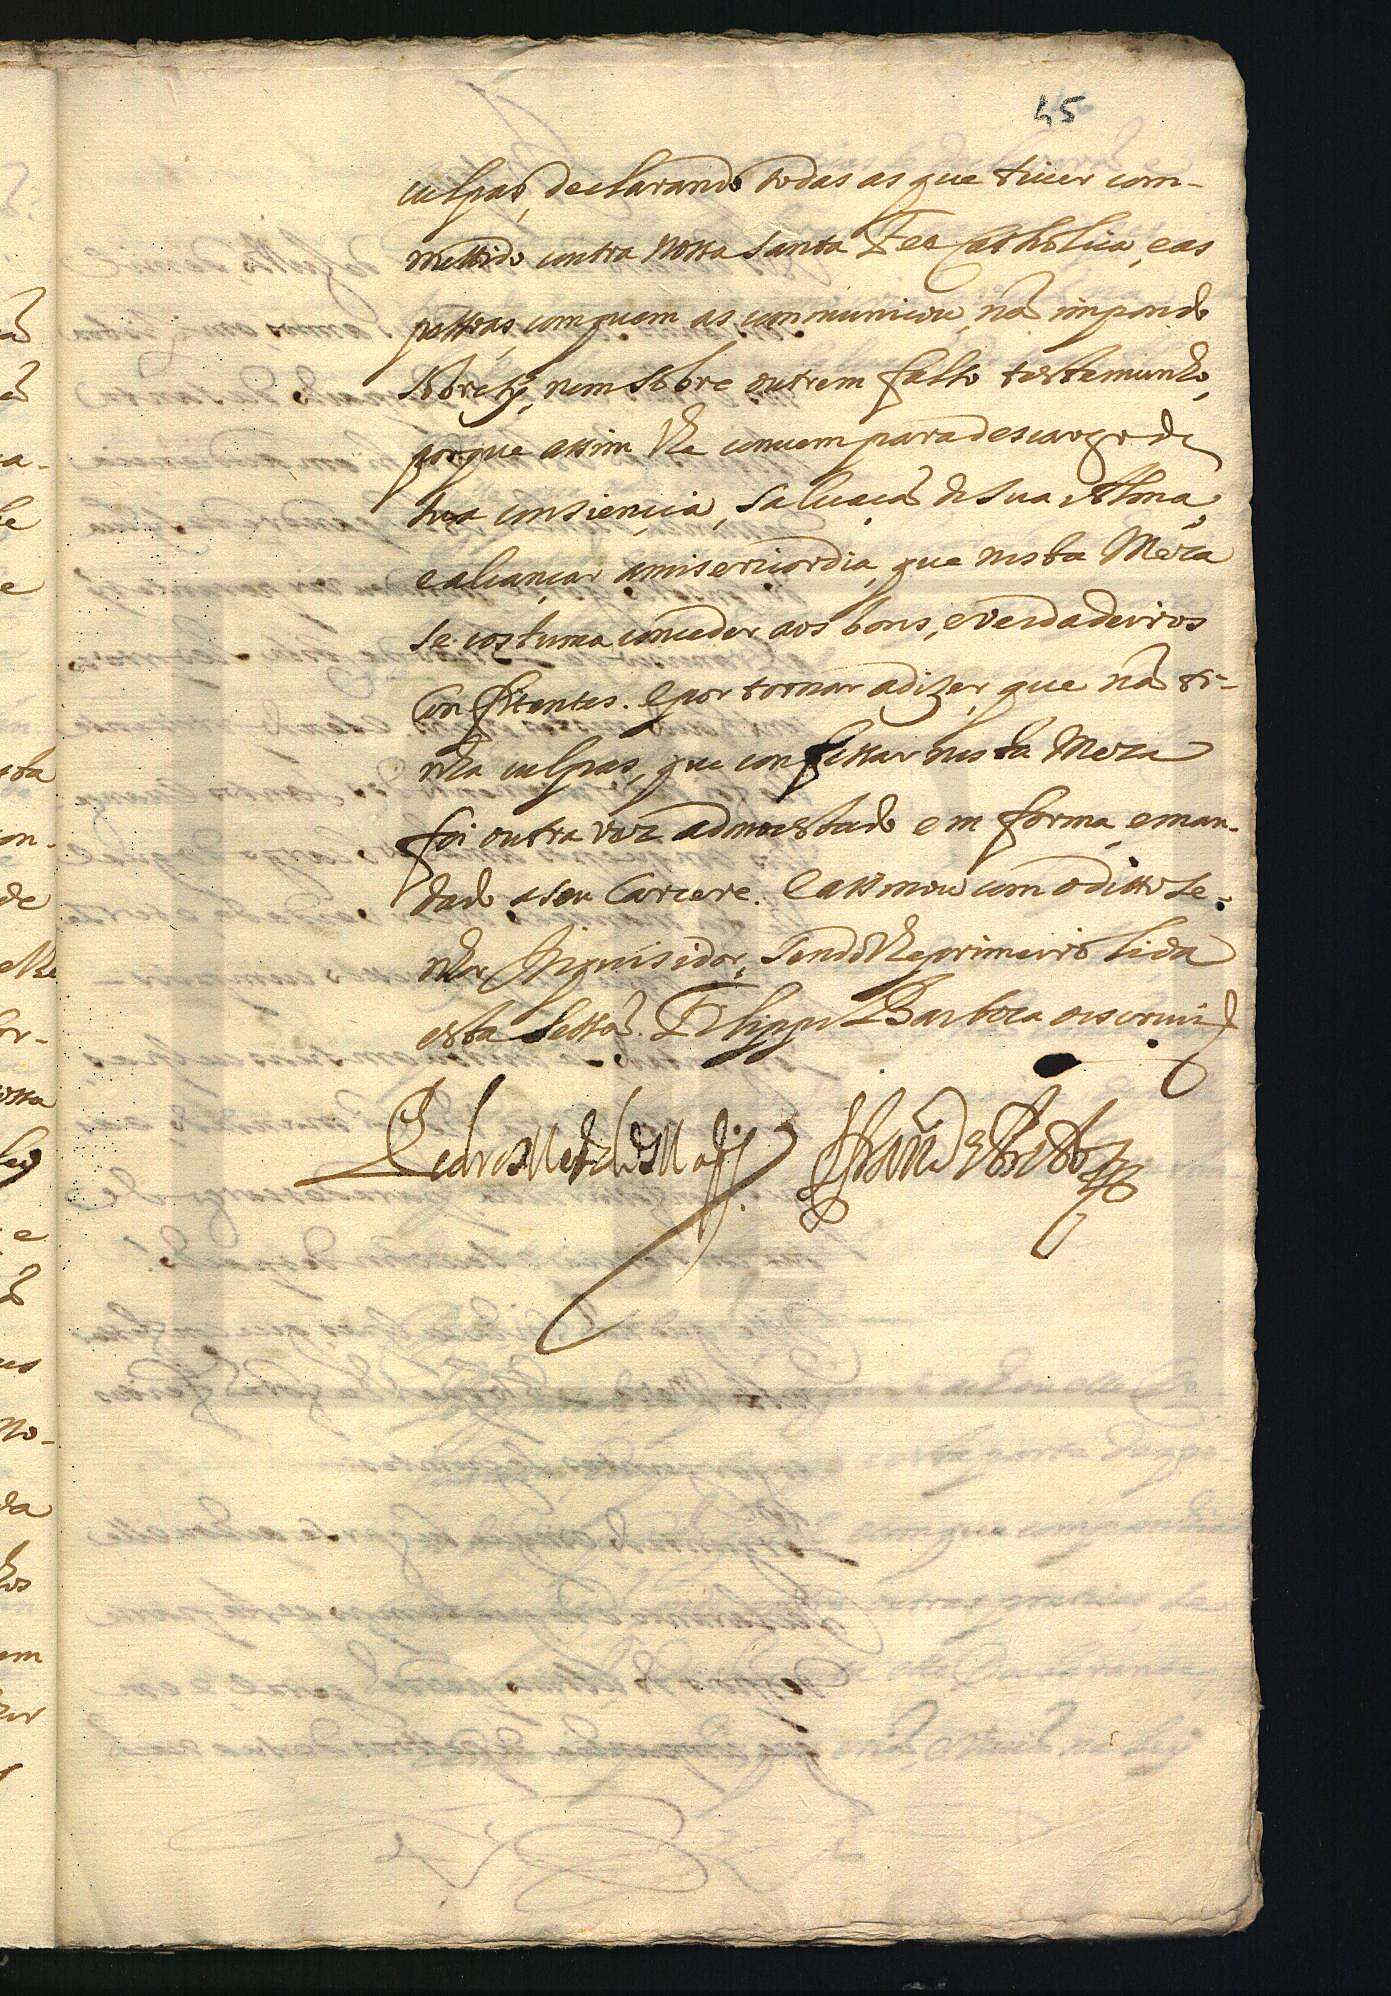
culpas declarando todas as que tiuer com
mettido contra nossa santa Fee Catholica, e as
pessoas com quem as communicou, naõ impondo
sobre sy, nem sobre outrem falso testemunho
porque assim lhe conuem para descargo de
sua consiencia, saluaçaõ de sua Alma,
e alcançar a misericordia, que nesta Meza
se costuma conceder aos bons, e verdadeiros
Confitentes. e por tornar a dizer que naõ ti
nha culpas, que confessar nesta Meza
foi outra vez admoestado em forma e man
dado a seu Carcere. E assinou com o ditto se
nhor Jnquisidor sendolhe primeiro lida
esta Sessaõ, Filippe Barboza o escreui
Pedro Mexa de Mages
fran de Brito
